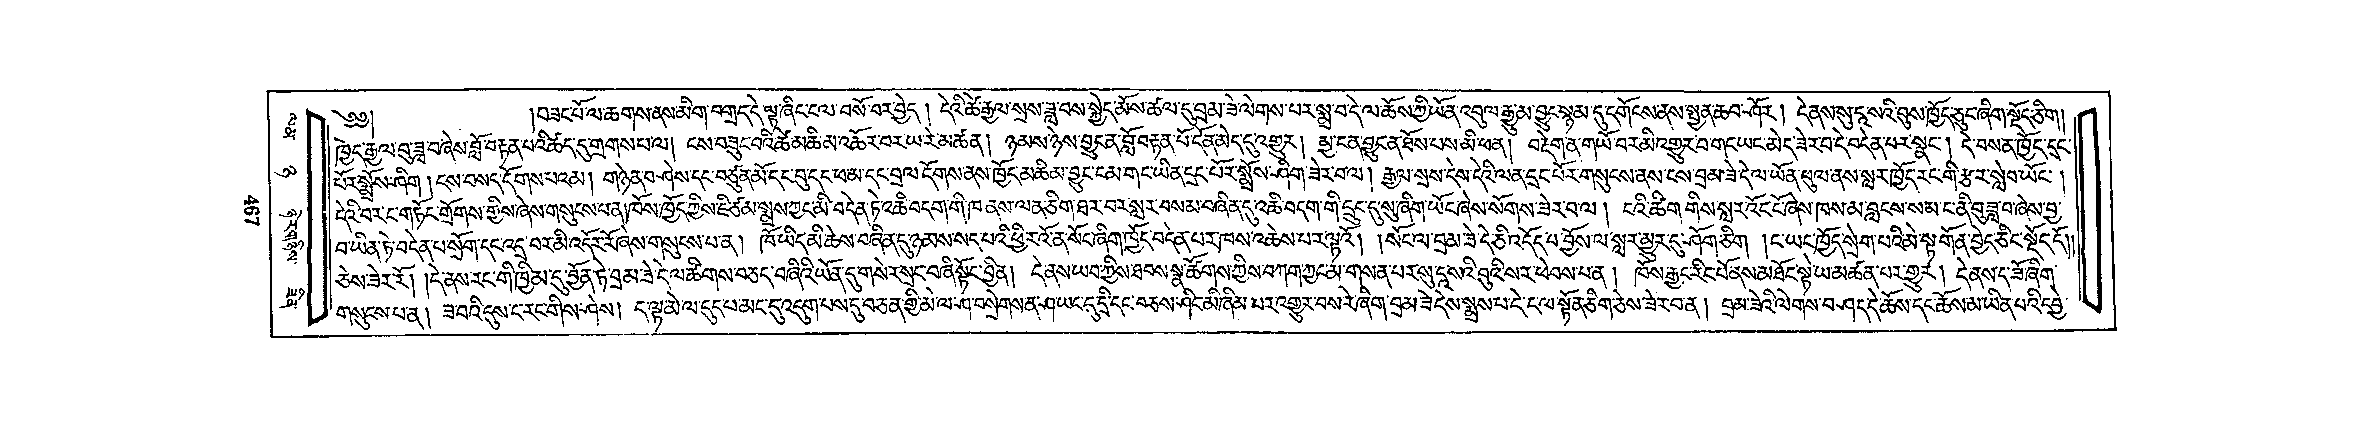༄༅། །བཟང་པོ་ལ་ཆགས་ནས་མིག་བགྲད་དེ་ལྟ་ཞིང་ངལ་བསོ་བར་བྱེད། དེའི་ཚེ་རྒྱལ་སྲས་ཟླ་བས་སྐྱེད་མོས་ཚལ་དུ་བྲམ་ཟེ་ལེགས་པར་སྨྲ་བ་དེ་ལ་ཆོས་ཀྱི་ཡོན་འབུལ་རྒྱུ་མ་བྱུང་སྙམ་དུ་དགོངས་ནས་སྤྱན་ཆབ་ཤོར། དེ་ནས་སུ་དཱ་སའི་བུས་ཁྱོད་ཅུང་ཞིག་སྡོད་ཅིག །
ཁྱོད་རྒྱལ་བུ་ཟླ་བ་ཞེས་བློ་བརྟན་པའི་ཚད་དུ་གྲགས་པ་ལ། ངས་བཟུང་བའི་ཚེ་མཆི་མ་འཆོར་བར་ཡ་རེ་མཚན། ཉམས་ཉེས་བྱུང་ན་བློ་བརྟན་པོ་དོན་མེད་དུ་འགྱུར། མྱ་ངན་བྱུང་ན་ཐོས་པས་མི་ཕན། བརྡེག་ན་གཡོ་བར་མི་འགྱུར་བ་གང་ཡང་མེད་ཟེར་བ་དེ་བདེན་པར་སྣང་། དེ་བས་ན་ཁྱོད་དྲང་
པོར་སྨྲོས་ཤིག །ངས་བསད་དོགས་པའམ། གཉེན་བཤེས་དང་བཙུན་མོ་དང་བུ་དང་ཕ་མ་དང་བྲལ་དོགས་ནས་ཁྱོད་མཆི་མ་བྱུང་ངམ་གང་ཡིན་དྲང་པོར་སྨྲོས་ཤིག་ཟེར་བ་ལ། རྒྱལ་སྲས་དེས་དེའི་ལན་དྲང་པོར་གསུངས་ནས་ངས་བྲམ་ཟེ་དེ་ལ་ཡོན་ཕུལ་ནས་སླར་ཁྱོད་རང་གི་རྩར་སླེབ་ཡོང་།
དེའི་བར་ང་གཏོང་གྲོགས་གྱིས་ཞེས་གསུངས་པ་ན། ཁོས་ཁྱོད་ཀྱིས་ཇི་ཙམ་སྨྲས་ཀྱང་མི་བདེན་ཏེ་འཆི་བདག་གི་ཁ་ནས་ལན་ཅིག་ཐར་བར་སླར་བསམ་བཞིན་དུ་འཆི་བདག་གི་དྲུང་དུ་སུ་ཞིག་ཡོང་ཞེས་སོགས་ཟེར་བ་ལ། ངའི་ཚིག་གིས་སླར་འོང་ངོ་ཞེས་ཁས་མ་བླངས་སམ་ང་ནི་བུ་ཟླ་བ་ཞེས་བྱ་
བ་ཡིན་ཏེ་བདེན་པ་སྲོག་དང་འདྲ་བར་མི་འདོར་རོ་ཞེས་གསུངས་པ་ན། ཁོ་ཡིད་མི་ཆེས་བཞིན་དུ་ཉམས་སད་པའི་ཕྱིར་འོ་ན་སོང་ཞིག་ཁྱོད་བདེན་པར་ཁས་འཆེས་པར་ལྟའོ། །སོང་ལ་བྲམ་ཟེ་དེ་ཅི་འདོད་པ་བྱོས་ལ་སླར་མྱུར་དུ་ཤོག་ཅིག །ང་ཡང་ཁྱོད་སྲེག་པའི་མེ་སྟ་གོན་བྱེད་ཅིང་སྡོད་དོ། །
ཅེས་ཟེར་རོ། །དེ་ནས་རང་གི་ཁྱིམ་དུ་བྱོན་ཏེ་བྲམ་ཟེ་དེ་ལ་ཚིགས་བཅད་བཞིའི་ཡོན་དུ་གསེར་སྲང་བཞི་སྟོང་བྱིན། དེ་ནས་ཡབ་ཀྱིས་ཐབས་སྣ་ཚོགས་ཀྱིས་བཀག་ཀྱང་མ་གསན་པར་སུ་དཱ་སའི་བུའི་སར་ཕེབས་པ་ན། ཁོས་རྒྱང་རིང་པོ་ནས་མཐོང་སྟེ་ཡ་མཚན་པར་གྱུར། དེ་ནས་ད་ཟོ་ཞིག་
གསུངས་པ་ན། ཟ་བའི་དུས་ང་རང་གིས་ཤེས། ད་ལྟ་མེ་ལ་དུད་པ་མང་དུ་འདུག་པས་དུ་བ་ཅན་གྱི་མེ་ལ་ཤ་བསྲེགས་ན་ཤ་ཡང་དུ་དྲི་དང་བཅས་ཤིང་མི་ཞིམ་པར་འགྱུར་བས་རེ་ཞིག་བྲམ་ཟེ་དེས་སྨྲས་པ་དེ་ང་ལ་སྟོན་ཅིག་ཅེས་ཟེར་བ་ན། བྲམ་ཟེའི་ལེགས་བཤད་དེ་ཆོས་དང་ཆོས་མ་ཡིན་པའི་དབྱེ་